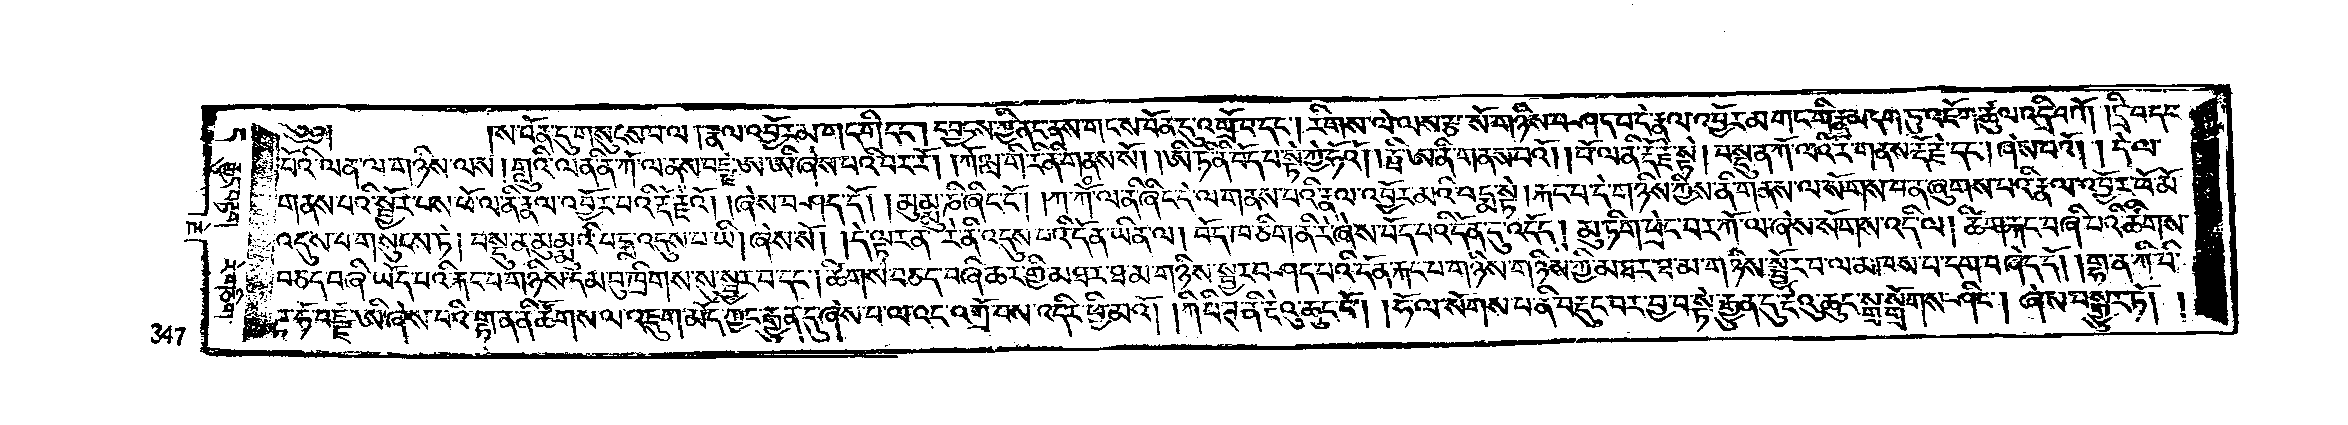༄༅། །ས་བོན་དུ་གསུངས་བ་ལ། རྣལ་འབྱོར་མ་གང་གི་དང་། དབྱངས་ཀྱི་ནང་ནས་གང་ས་བོན་དུ་འགྲོ་བ་དང་། རིགས་ལེ་ལས་རྩ་སོ་གཉིས་བཤད་པ་དེ་རྣལ་འབྱོར་མ་གང་གི་རྣམ་དག་ཏུ་འཇོག་ཚུལ་འདྲི་བའོ། །དྲི་བ་དང་
པོའི་ལན་ལ་གཉིས་ལས། གླུའི་ལན་ནི་ཀོ་ལ་ནས་བཛྫ་ཨ་ཨི་ཞེས་པའི་བར་རོ། །ཀོལླ་གི་རི་ནི་གནས་སོ། །ཨི་ཏི་ནི་བོད་པ་སྟེ་ཀྱེ་ཧོའོ། །རཊཿཨི་ཨ་ནི་གནས་པའོ། །བོ་ལ་ནི་རྡོ་རྗེ་སྟེ། བསྡུ་ན་ཀོ་ལའི་རི་གནས་རྡོ་རྗེ་དང་། ཞེས་པའོ། །དེ་ལ་
གནས་པའི་སྦྱོར་པས་ཕོ་ལ་ནི་རྣལ་འབྱོར་པའི་རྡོ་རྗེའོ། །ཞེས་བཤད་དོ། །མུ་མྨུ་ཎི་ཞིང་ངོ། །ཀ་ཀོཾ་ལ་ནི་ཞིང་དེ་ལ་གནས་པའི་རྣལ་འབྱོར་མའི་པདམ་སྟེ། རྐང་པ་དེ་གཉིས་ཀྱིས་ནི་གནས་ལ་སོགས་པ་ན་ཞུགས་པའི་རྣལ་འབྱོར་ཕོ་མོ་
འདུས་པ་གསུངས་ཏེ། བསྡུ་ན་མུམྨུའི་པདམ་འདུས་པ་ཡི། ཞེས་སོ། །དེ་ལྟར་ན་རེ་ནི་འདུས་པའི་དོན་ཡིན་ལ། བོད་ཁ་ཅིག་ནི་རེ་ཞེས་བོད་པའི་དོན་དུ་འདོད། མུ་ཏིག་ཕྲེང་བར་ཀོ་ལ་ཞེས་སོགས་འདི་ལ། ཚིག་རྐང་བཞི་པའི་ཚིགས་
བཅད་བཞི་ཡོད་པའི་རྐང་པ་གཉིས་དམ་བུ་ཁྲིགས་སུ་སྦྱར་བ་དང་། ཚིགས་བཅད་བཞི་ཆར་གྱི་མཐར་ཐ་མ་གཉིས་སྦྱར་བཤད་པའི་དོན་རྐང་པ་གཉིས་གཉིས་ཀྱི་མཐར་ཐ་མ་གཉིས་སྦྱོར་བ་ལ་མཁས་པ་དག་བཞེད་དོ། །གྷ་ན་ཀི་བི་
ཌཱ་ཧོ་བཛྫ་ཨི་ཞེས་པའི་གྷ་ན་ནི་ཚོགས་ལ་འཇུག་མོད་ཀྱང་རྒྱུན་དུ་ཞེས་པ་ལ་འང་འགྲོ་བས་འདིར་ཕྱི་མའོ། །ཀི་པི་ཊ་ནི་རྔེའུ་ཆུང་ངོ། །ཧོ་ལ་སོགས་པ་ནི་བརྡུང་བར་བྱ་བ་སྟེ་རྒྱུན་དུ་རྔེའུ་ཆུང་སྒྲ་སྒྲོགས་ཤིང་། ཞེས་བསྒྱུར་ཏོ། །